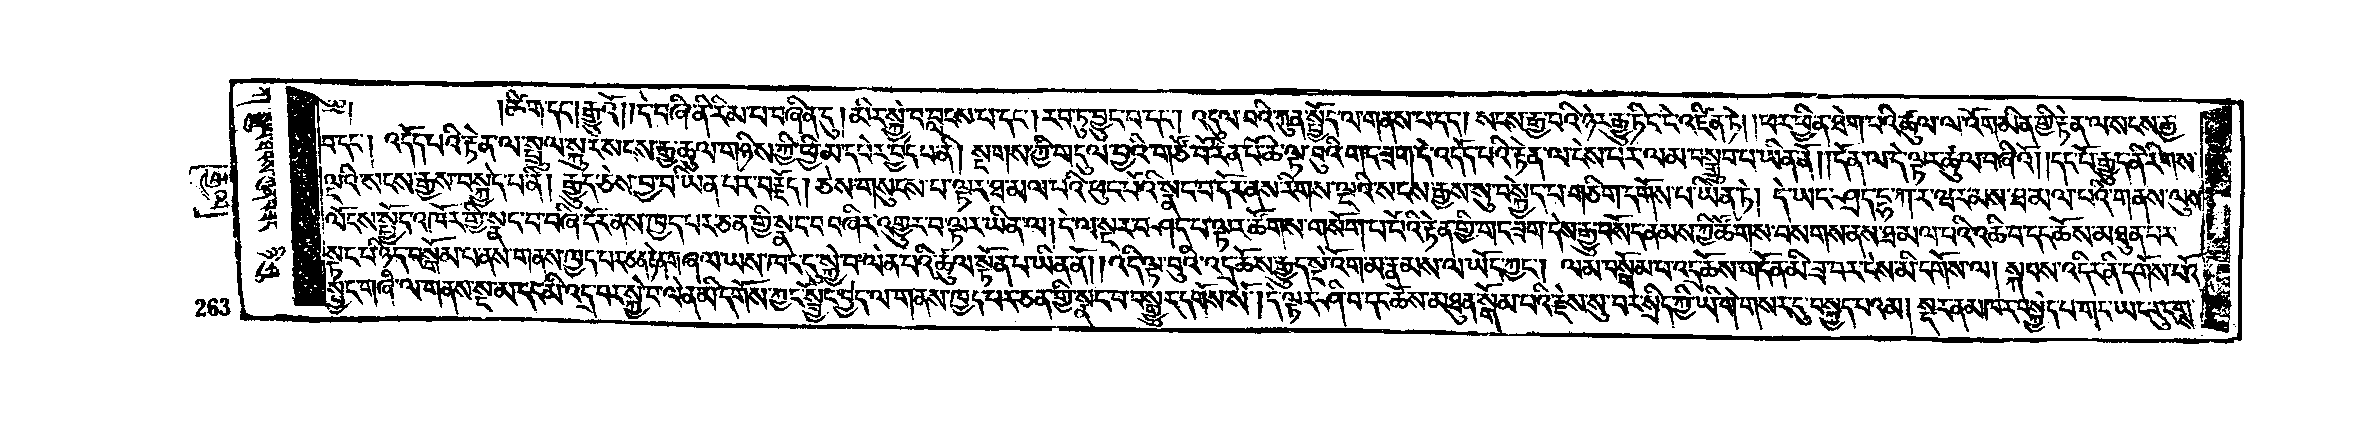༄༅། །ཚིག་དང་། རྒྱུའོ། །དེ་བཞིན་ནི་རིམ་པ་བཞིན་དུ། མིར་སྐྱེ་བ་བླངས་པ་དང་། རབ་ཏུ་བྱུང་བ་དང་། འདུལ་བའི་ཀུན་སྤྱོད་ལ་གནས་པ་དང་། སངས་རྒྱ་བའི་ཉེར་རྒྱུ་ཏིང་ངེ་འཛིན་ཏེ། །ཕར་ཕྱིན་ཐེག་པའི་ཚུལ་ལ་འོག་མིན་གྱི་རྟེན་ལ་སངས་རྒྱ་
བ་དང་། འདོད་པའི་རྟེན་ལ་སྤྲུལ་སྐུར་སངས་རྒྱ་ཚུལ?་གཉིས་ཀྱི་ཕྱི་མ་དཔེར་བྱེད་པ་ནི། སྔགས་ཀྱི་གདུལ་བྱའི་གཙོ་བོ་རིན་པོ་ཆེ་ལྟ་བུའི་གང་ཟག་དེ་འདོད་པའི་རྟེན་ལ་ངེས་པར་ལམ་བསྒྲུབ་པ་ཡིན་ནོ། །དོན་ལ་དེ་ལྟར་ཚུལ་བཞིའོ། །དང་པོ་རྒྱུད་ནི་རིགས་
ལྔའི་སངས་རྒྱས་བསྐྱེད་པ་ནི། རྒྱུད་ཅེས་བྱ་བ་ཡིན་པར་བརྗོད། ཅེས་གསུངས་པ་ལྟར་ཐ་མལ་པའི་ཕུང་པོའི་སྣང་བ་དོར་ནས་རིགས་ལྔའི་སངས་རྒྱས་སུ་བསྐྱེད་པ་གཅིག་དགོས་པ་ཡིན་ཏེ། དེ་ཡང་ཤྲད་དྷ་ཀ་ར་ཝར་མས་ཐ་མལ་པའི་གནས་ལུས་
ལོངས་སྤྱོད་འཁོར་གྱི་སྣང་བ་བཞི་དོར་ནས་ཁྱད་པར་ཅན་གྱི་སྣང་བ་བཞིར་འགྱུར་བ་ལྟར་ཡིན་ལ། དེ་ལ་སྔར་བཤད་པ་ལྟར་ཚོགས་གསོག་པ་པོའི་རྟེན་གྱི་གང་ཟག་དེས་རྒྱུ་བསོད་ནམས་ཀྱི་ཚོགས་བསགས་ནས་ཐ་མལ་པའི་འཆི་བ་དང་ཆོས་མཐུན་པར་
སྟང་པ་ཉིད་བསྒོམ་པ་ནས་གནས་ཁྱད་པར་ཅན་རྟེན་གཞལ་ཡས་ཁང་དུ་སྐྱེ་བ་ལེན་པའི་ཚུལ་སྟོན་པ་ཡིན་ནོ། །འདི་ལྟ་བུའི་འདྲ་ཆོས་རྒྱུད་སྡེ་འོག་མ་རྣམས་ལ་ཡོད་ཀྱང་། ལམ་བསྒོམ་པ་འདྲ་ཆོས་གདོན་མི་ཟ་བར་ངེས་མི་དགོས་ལ། སྐབས་འདིར་ནི་དགོས་པའོ་
སྦྱང་གཞི་ལ་གནས་སྔ་མ་དང་མི་འདྲ་བར་སྐྱེ་བ་ལེན་མི་དགོས་ཀྱང་སྦྱོང་བྱེད་ལ་གནས་ཁྱད་པར་ཅན་གྱི་སྣང་བ་བསྒྱུར་དགོས་སོ། །དེ་ལྟར་ཤི་བ་དང་ཆོས་མཐུན་སྒོམ་པའི་རྗེས་སུ་བར་སྲིད་ཀྱི་ཡི་གེ་གསར་དུ་བསྐྱེད་པའམ། སྔར་ནམ་མཁར་བསྐྱེད་པ་གང་ཡང་རུང་གིས་